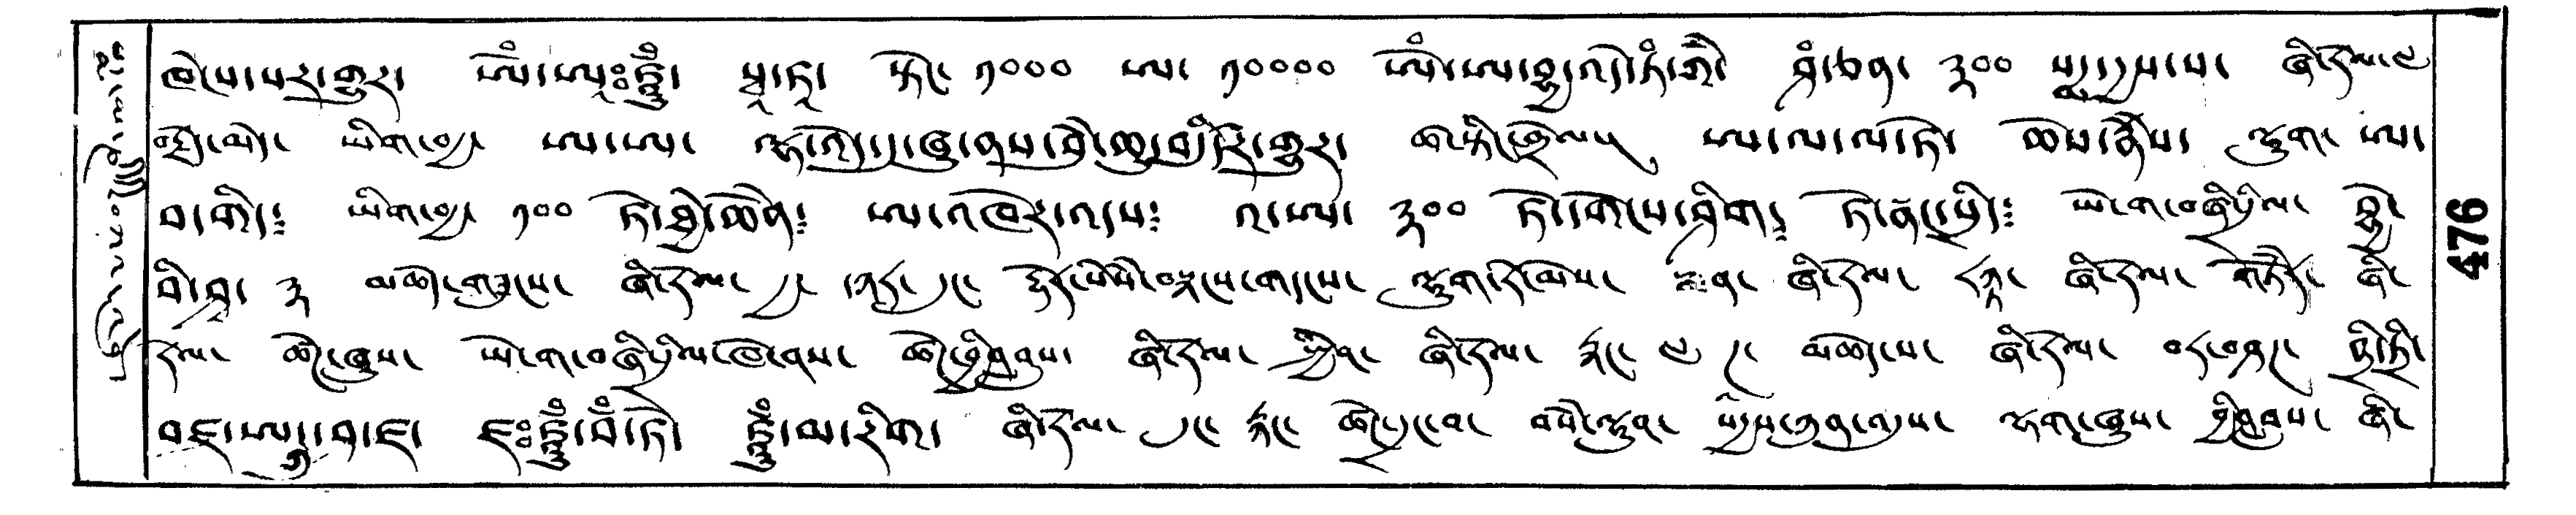ཁེངས་པར་གྱུར། ཨོཾ་ཨཱཿཧཱུྃ་སྭ་ཧཱཿ སྟོང་། ཨཱཿ ཁྲི། ཨོཾ་ཨ་བྷྱ་འདེ་ཏཾ་ཀཾ༴ གཤམ་ཅན་སུམ་བརྒྱ། པདྨ་རྒྱས་པ༴ ཞི་རོལ་བཞི། 
བརྗོད་མེད༴ ཡིག་བརྒྱ། ཨ་ཨཱཿ ལྷ་འོད་དུ་ཞུ་ནས་བུམ་ཆུ་བདུད་རྩིར་གྱུར། ཚ་རྟིང་གྲོལ། ཨ་ལ་ལ་ཧོཿ ཆོས་རྣམས༴ ལྷུག ཨཱཿ
བདག་ཉིད༴ ཡིག་བརྒྱ་བརྒྱ། ཧོཿཐུགས་རྗེ་ཆེན་པོ༴ ཨཱཿའཁོར་འདས༴འ་ཨ༴ སུམ་བརྒྱ། ཧོཿདགོངས་ཤིག༴ ཧོཿསྣང་སྲིད༴ ཡོ་ག་བཞི་དྲིལ། བྷྱོ་
བི་ཤྭ༴ གསུམ། མཆོད་གཟུངས། ཞི་རོལ། རྒྱ། དཀར། དུང་། རྡོར་སེམས་བསྐངས་གདངས། ལྷུག་རེ་མོས། སྨན། ཞི་རོལ། རཀྟ། ཞི་རོལ། གཏོར་མ། ཞི་
རོལ། ཚོགས་ཞུས། ཡོ་ག་བཞི་དྲིལ་ཁོ་ནས། ཚོགས་བྱིན་རླབས། ཞི་རོལ། སྤྱན་འདྲེན། ཞི་རོལ། རྐང་བཞི། ཌཱ། མཆོད་པ། ཞི་རོལ། བར་བཤགས། ནྲི་ཏྲི་
བཛྲ་ཨངྐུ་ཤ་ཛཿ ཛཿཧཱུྃ་བྃ་ཧོཿ ཧཱུྃ༔མ་རིག༴ ཞི་རོལ། དུང་། རྐང་། ཚོགས་དྲང་བ། བསམ་ལྷུན། སངས་རྒྱས་ཀུན་འདུས༴ ལྷག་ཞུས། བྱིན་རླབས། ཞི་